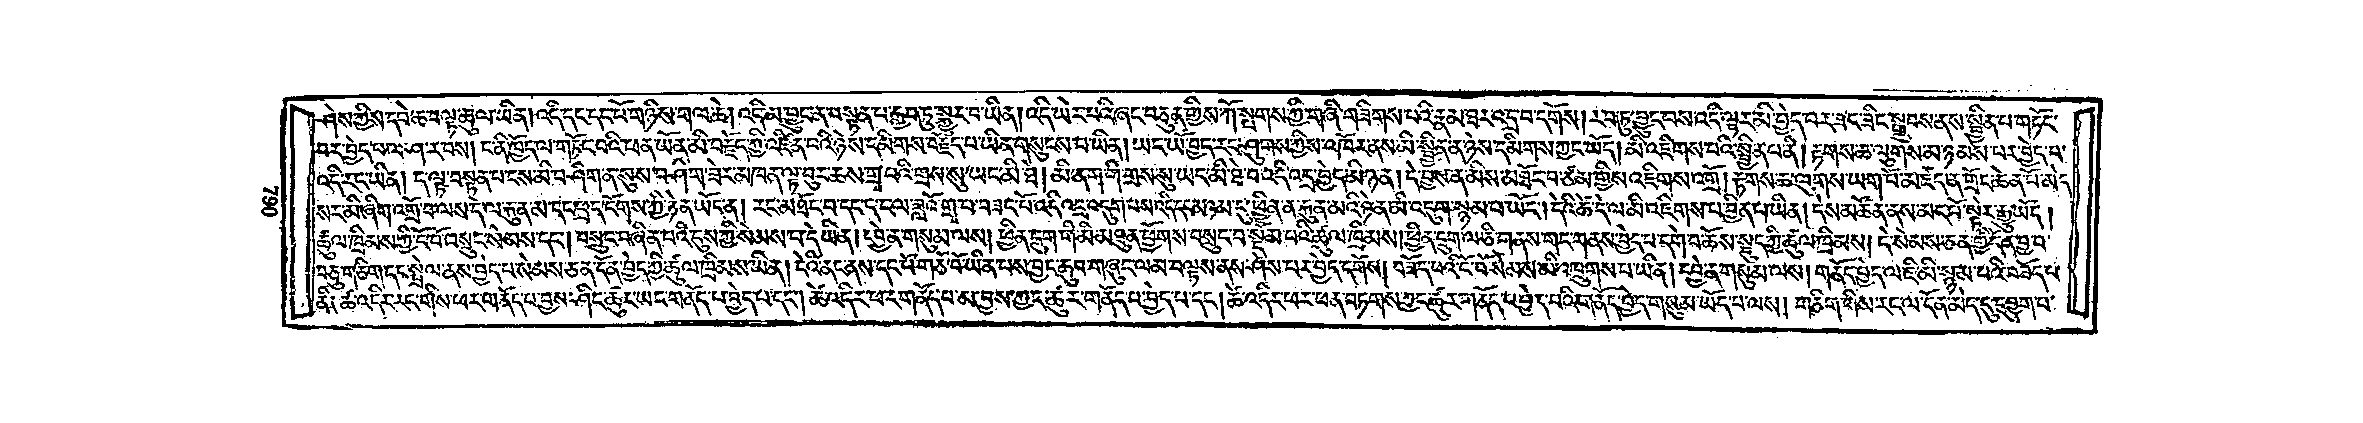ཤེས་ཀྱིས་དཔེ་ཆ་བལྟ་ཆུལ་ཡིན། འདི་དང་དང་པོ་གཉིས་གལ་ཆེ། འདི་མ་བྱུང་ན་བསྟན་པ་རྒྱབ་ཏུ་སྐྱུར་བ་ཡིན། འདི་ཡེར་པའི་ཞང་བཅུན་གྱིས་ཀོ་སྤགས་ཀྱི་གཞི་གཟིགས་པའི་རྣམ་ཐར་འདྲ་བ་དགོས། རབ་ཏུ་བྱུང་བས་འདི་ལྟར་མི་བྱེད་པར་ཟང་ཟིང་སྒྲུབས་ནས་སྦྱིན་པ་གཏོང་
བར་བྱེད་པ་ལ་ཤ་ར་བས། ང་ནི་ཁྱོད་ལ་གཏོང་བའི་ཕན་ཡོན་མི་བརྗོད་ཀྱི་འཛིན་པའི་ཉེས་དམིགས་བརྗོད་པ་ཡིན་གསུངས་པ་ཡིན། ཡང་ཡོ་བྱད་རང་ཤུགས་ཀྱིས་འཁོར་ནས་མི་སྦྱིན་ན་ཉེས་དམིགས་ཀྱང་ཡོད། མི་འཇིགས་པའི་སྦྱིན་པ་ནི། རྟགས་ཆ་ལུགས་མ་ཉམས་པར་བྱེད་པ་
འདི་རང་ཡིན། ད་ལྟ་བསྟན་པ་ངས་མི་བཤིག་ན་སུས་བཤིག་ཟེར་མཁན་ལྟ་བུར་ཆས་གྲྭ་པའི་གྲས་སུ་ཡང་མི་ཐེ། མི་ནག་གི་གྲས་སུ་ཡང་མི་ཐེ་བ་འདི་འདྲ་བྱེད་མི་ཉན། དེ་བྱས་ན་མིས་མཐོང་བ་ཙམ་གྱིས་འཇིགས་འགྲོ་།རྟགས་ཆ་ལུགས་ཡག་པོ་མཛད་ན་གྲོང་ཆེན་པོ་མེད་
སར་མི་ཞིག་འགྲོ་བ་ལས་དེ་ལ་རྐུན་མ་དང་ཕྲད་ངོགས་ཀྱི་ཉེན་ཡོད་ན། རང་མཐོང་བ་དང་ད་ངལ་ཟླའོ་གྲྭ་པ་བཟང་པོ་འདི་འདྲ་འདུག་པས་འདི་དང་མཉམ་དུ་ཕྱིན་ན་རྐུན་མའི་ཉེན་མི་འདུག་སྙམ་པ་ཡོང་། དེའི་ཚེ་དེ་ལ་མི་འཇིགས་པ་བྱིན་པ་ཡིན། དེས་མཚོན་ནས་མང་པོ་སྟེར་རྒྱུ་ཡོད།
ཚུལ་ཁྲིམས་ཀྱི་ངོ་བོ་བསྲུང་སེམས་དང་། བསྲུང་བཞིན་པའི་དུས་ཀྱི་སེམས་པ་དེ་ཡིན། དབྱེ་ན་གསུམ་ལས། ཕྱིན་དྲུག་གི་མི་མཐུན་ཕྱོགས་བསྲུང་བ་སྡོམ་པའི་ཚུལ་ཁྲིམས། ཕྱིན་དྲུག་ལ་ཅི་གནས་གང་གནས་བྱེད་པ་དགེ་བ་ཆོས་སྡུད་ཀྱི་ཚུལ་ཁྲིམས། དེ་སེམས་ཅན་གྱི་དོན་བྱ་བ་
བཅུ་གཅིག་དང་སྤྲེལ་ནས་བྱེད་པ་སེམས་ཅན་དོན་བྱེད་ཀྱི་ཚུལ་ཁྲིམས་ཡིན། དེའི་ནང་ནས་དང་པོ་གཙོ་བོ་ཡིན་པས་བྱང་ཆུབ་གཞུང་ལམ་བལྟས་ནས་ཤེས་པར་བྱེད་དགོས། བཟོད་པའི་ངོ་བོ་སེམས་མི་འཁྲུགས་པ་ཡིན། དབྱེ་ན་གསུམ་ལས། གནོད་བྱེད་ལ་ཇི་མི་སྙམ་པའི་བཟོད་པ་
ནི། ཚ་འདིར་རང་གིས་ཕར་གནོད་པ་བྱས་ཤིང་ཚུར་ཡང་གནོད་པ་བྱེད་པ་དང་། ཚེ་འདིར་ཕར་གནོད་པ་མ་བྱས་ཀྱང་ཚུར་གནོད་པ་བྱེད་པ་དང་། ཚེ་འདིར་ཕར་ཕན་བཏགས་ཀྱང་ཚུར་གནོད་པ་བྱེད་པའི་གནོད་བྱེད་གསུམ་ཡོད་པ་ལས། གཅིག་གིས་རང་ལ་དོན་མེད་དུ་དབྱུག་པ་